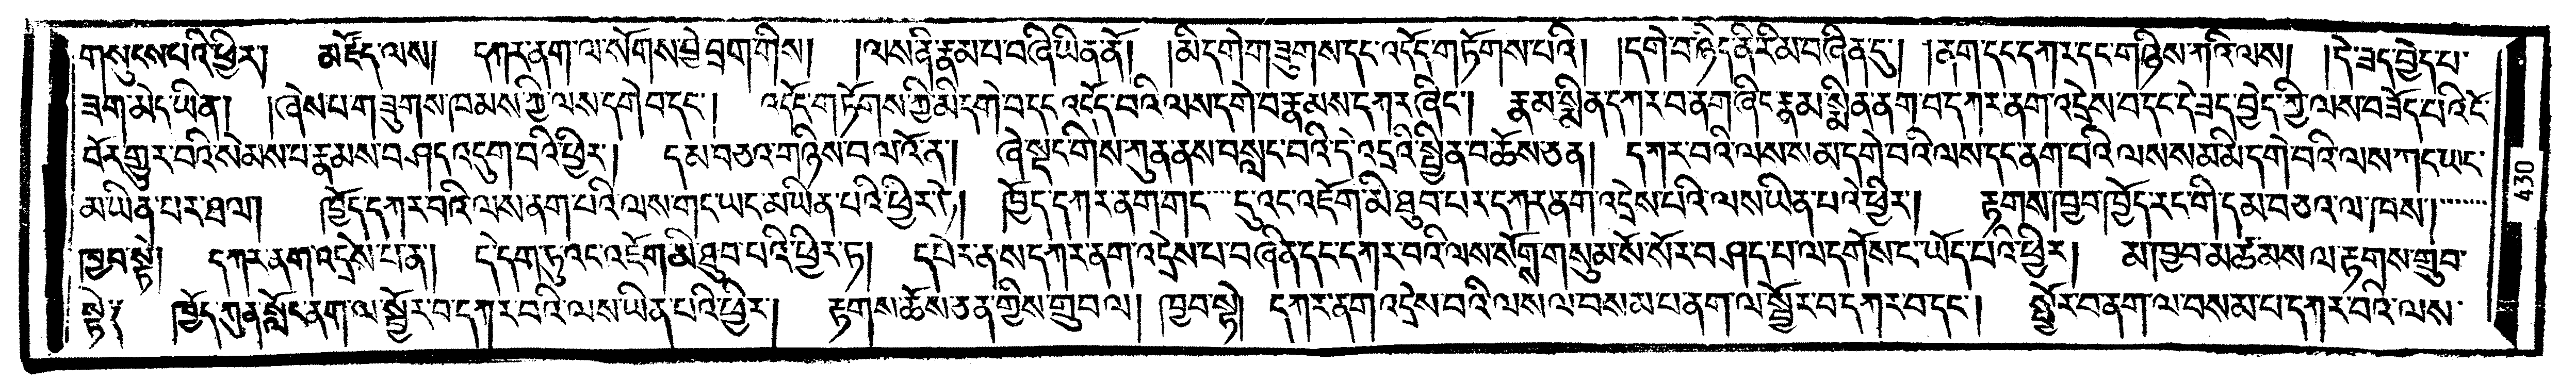གསུངས་པའི་ཕྱིར། མཛོད་ལས། དཀར་ནག་ལ་སོགས་བྱེ་བྲག་གིས། །ལས་ནི་རྣམ་པ་བཞི་ཡིན་ནོ། །མི་དགེ་གཟུགས་དང་འདོད་གཏོགས་པའི། །དགེ་བ་ཉིད་ནི་རིམ་བཞིན་དུ། །ནག་དང་དཀར་དང་གཉིས་ཀའི་ལས། །དེ་ཟད་བྱེད་པ་
ཟག་མེད་ཡིན། །ཞེས་པ་གཟུགས་ཁམས་ཀྱི་ལས་དགེ་བ་དང་། འདོད་གཏོགས་ཀྱི་མི་དགེ་བ་དང་འདོད་བའི་ལ་དགེ་བ་རྣམས་དཀར་ཞིང་། རྣམ་སྨིན་དཀར་བ་ན་གཞིང་རྣམ་སྨིན་ནག་བ་དཀར་ནག་འདྲེས་པ་དང་དེ་ཟད་བྱེད་ཀྱི་ལས་བཟོད་པའི་ངོ་
བོར་གྱུར་བའི་སེམས་པ་རྣམས་བཤད་འདུག་པའི་ཕྱིར། དམ་བཅའ་གཉིས་པ་ལ་འོ་ན། ཞེ་སྡང་གིས་ཀུན་ནས་བསླང་བའི་དེ་འདྲའི་སྤྱིན་བ་ཆོས་ཅན། དཀར་བའི་ལས་སམ་དགེ་བའི་ལས་དང་ནག་བའི་ལས་སམ་མི་དགེ་བའི་ལས་ཀང་ཡང་
མ་ཡིན་པར་ཐལ། ཁྱོད་དཀར་བའི་ལས་ནག་པའི་ལས་གང་ཡང་མ་ཡིན་པའི་ཕྱིར་ཏེ། ཁྱོད་དཀར་ནག་གང་དུའང་འཇོག་མི་ཐུབ་པར་དཀར་ནག་འདྲེས་པའི་ལས་ཡིན་པའི་ཕྱིར། རྟགས་ཁྱབ་ཁྱོད་རང་གི་དམ་བཅའ་ལ་ཁས།
ཁྱབ་སྟེ། དཀར་ནག་འདྲེས་པ་ན། དེ་དག་ཏུའང་འཇོག་མི་ཐུབ་པའི་ཕྱིར་ཏ། དཔེར་ནས་དཀར་ནག་འདྲེས་པ་བཞིན་དང་དཀར་བའི་ལས་སོགས་གསུམ་སོ་སོར་བཤད་པ་ལ་དགོས་པ་ཡོད་པའི་ཕྱིར། མ་ཁྱབ་མཚམས་ལ་རྟགས་གྲུབ་
སྟེ༑ ཁྱོད་ཀུན་སློང་ནག་ལ་སྦྱོར་བ་དཀར་བའི་ལས་ཡིན་པའི་ཕྱིར། རྟགས་ཆོས་ཅན་གྱིས་གྲུབ་ལ། ཁྱབ་སྟེ། དཀར་ནག་འདྲེས་བའི་ལས་ལ་བསམ་པ་ནག་ལ་སྦྱོར་བ་དཀར་བ་དང་། སྤྱོར་བ་ནག་ལ་བསམ་པ་དཀར་བའི་ལས་